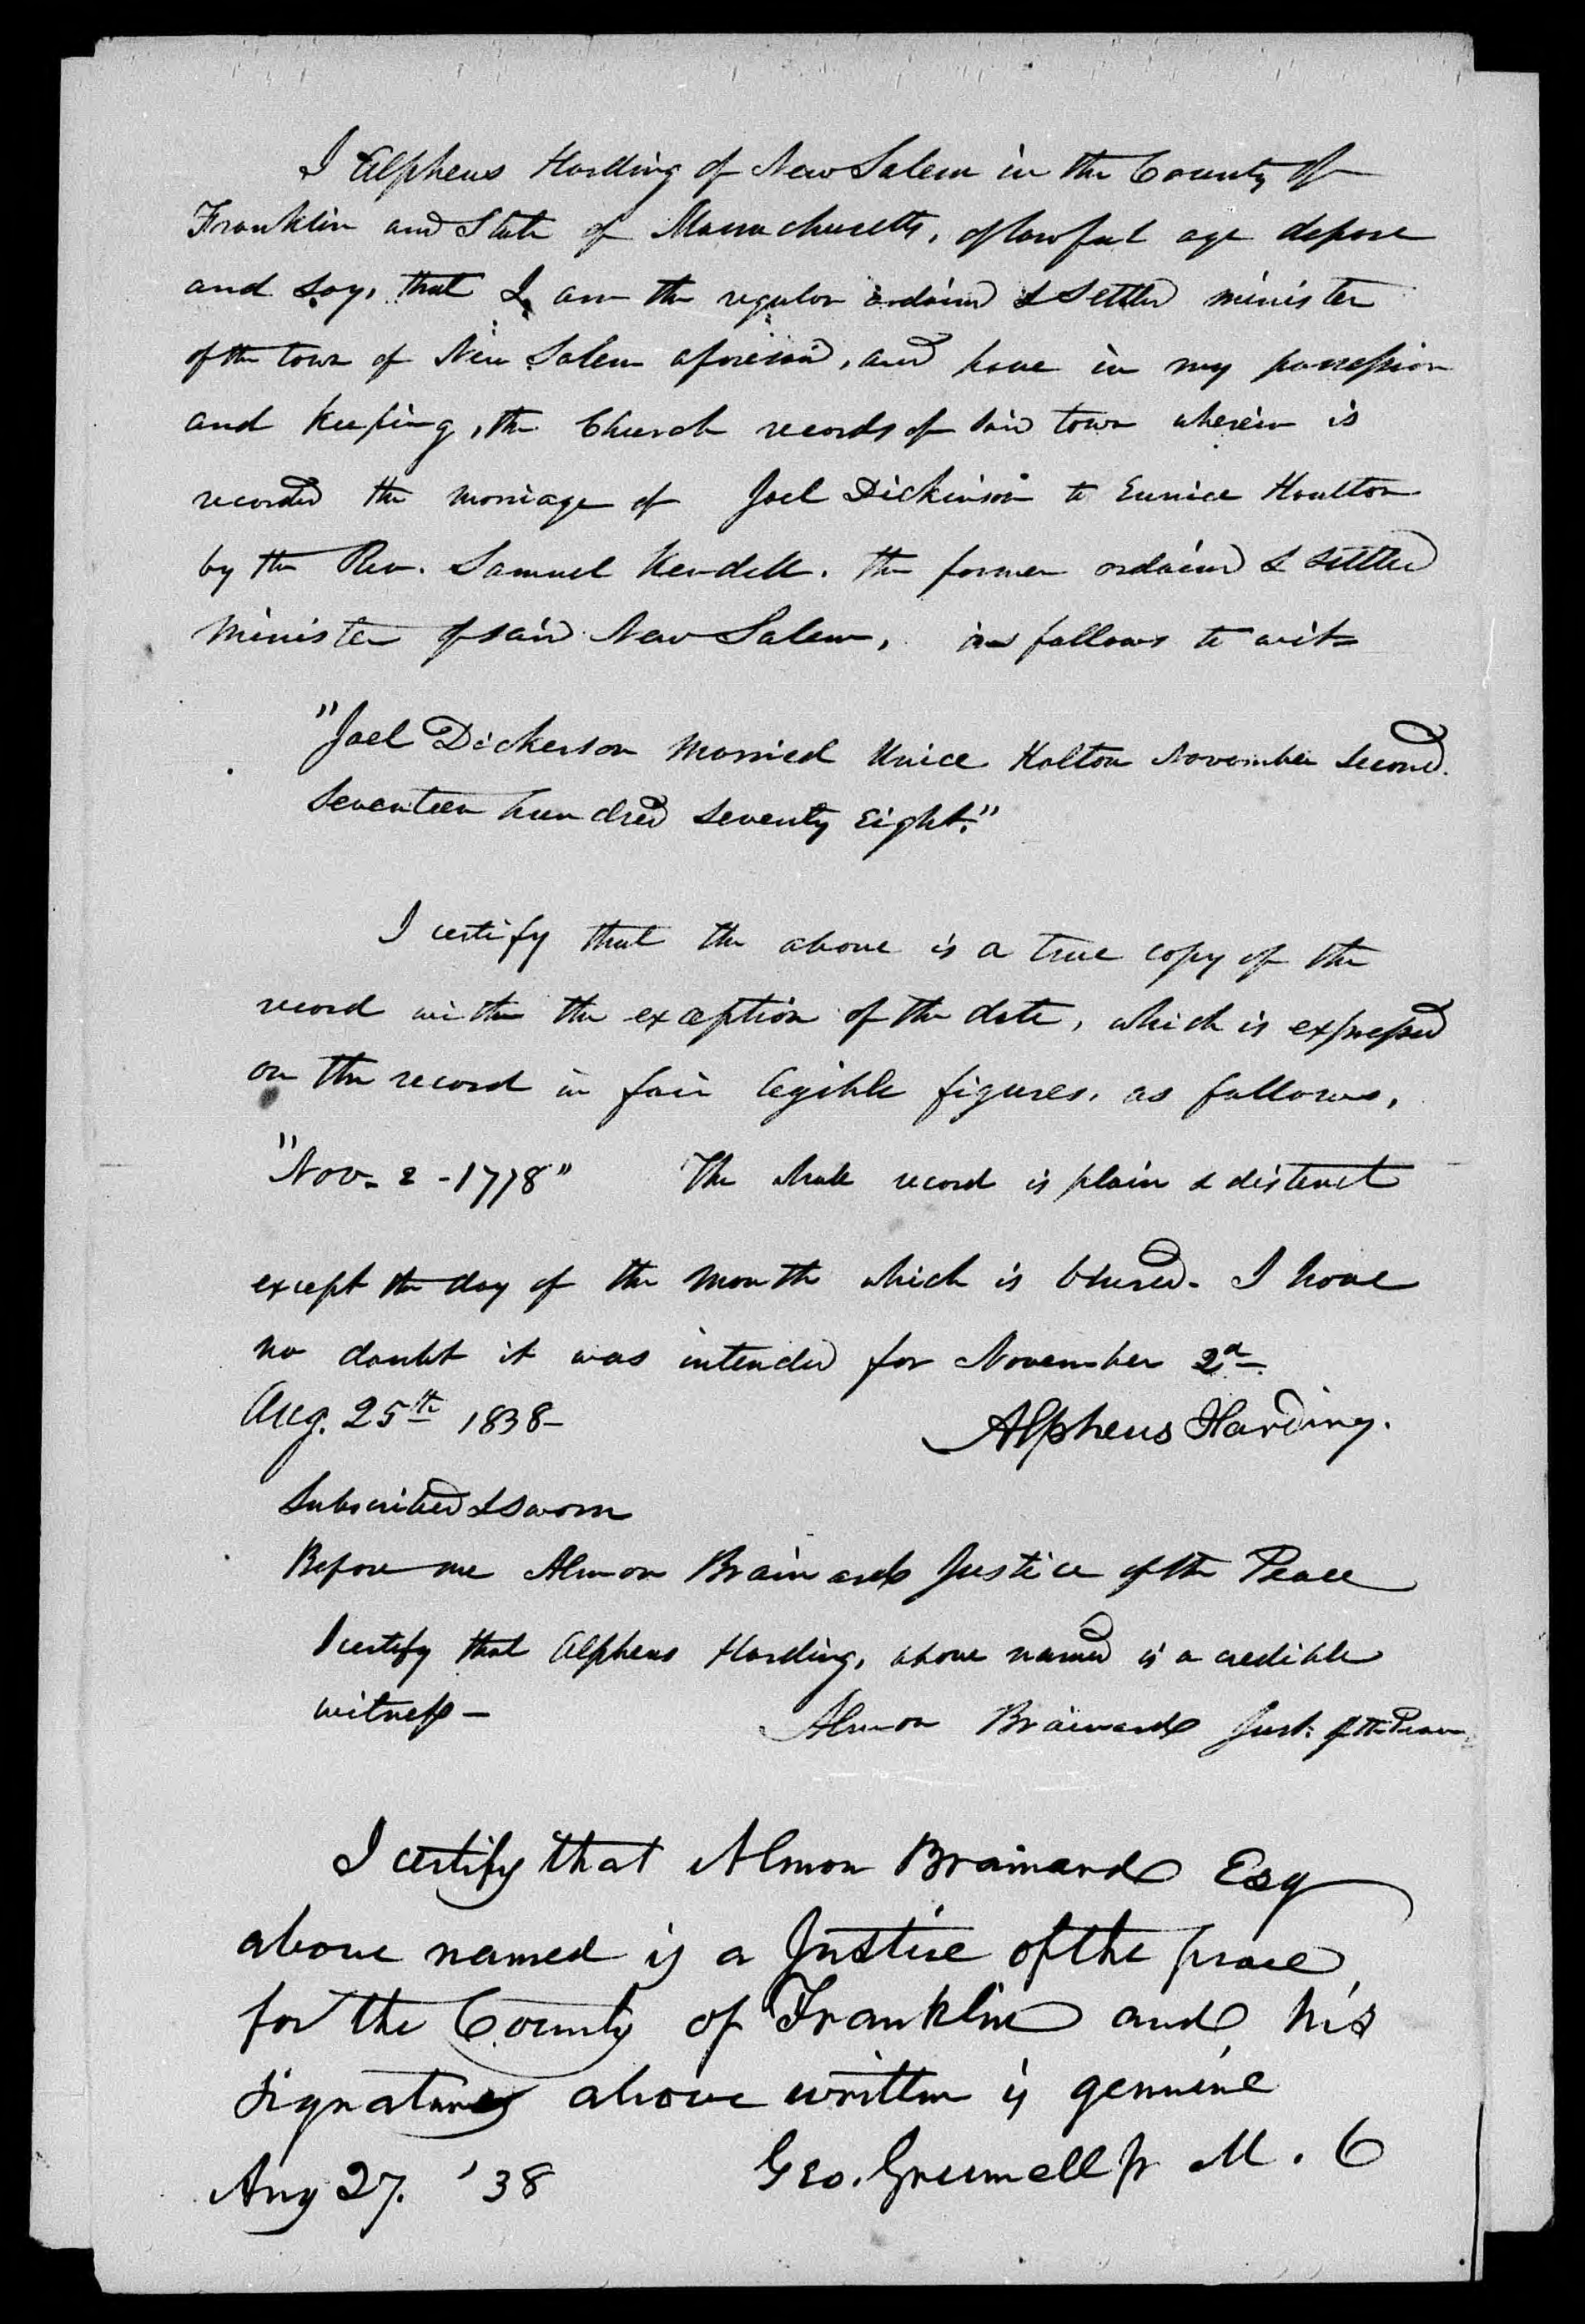I Alpheus Harding of New Salem in the County of
Franklin and State of Massachusetts, of lawful age depose
and say, that I am the regular ordained & settler minister
of the town of New Salem aforesaid, and have in my possession
and keeping, the Church records of his town wherein is
recorded the marriage of Joel Dickinson to Eunice Houlton
by the Rev. Samuel Kendell, the former ordained & settled
Minister of said New Salem, as follows to wit.

"Joel Dickerson married Unice Holt November second,
Seventeen hundred seventy eight."

I certify that the above is a true copy of the 
record within the exception of the date, which is expressed
on the record in fair legible figures, as follows,
"Nov. 2-1778" The above record is plain & distinct
except the day of the month which is blured. I have
no doubt it was intended for November 2d.
Aug. 25th 1838 Alpheus Harding
Subscribed & Sworn
Before me Almon Brainard Justice of the Peace
I certify that Alpheus Harding, above named is a credible
witness-
Almon Brainard Just. of the Peace

I certify that Almon Brainard Esq
above named is a Justice of the peace,
for the County of Franklin and his
Signature above written is genuine
Aug 27, "38 Geo. Grumell M.C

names: Joel Dickerson, Joel Dickinson, Unice Holton, Samuel Kendell, Alpheus Harding, Almon Brainard, Almon Brainard, Almon Brainard, Geo Grumell, Alpheus Harding, Eunice Houlton, Alpheus Harding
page: 12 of 31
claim: widow's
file: W. 22946, Joel Dickinson, Mass.